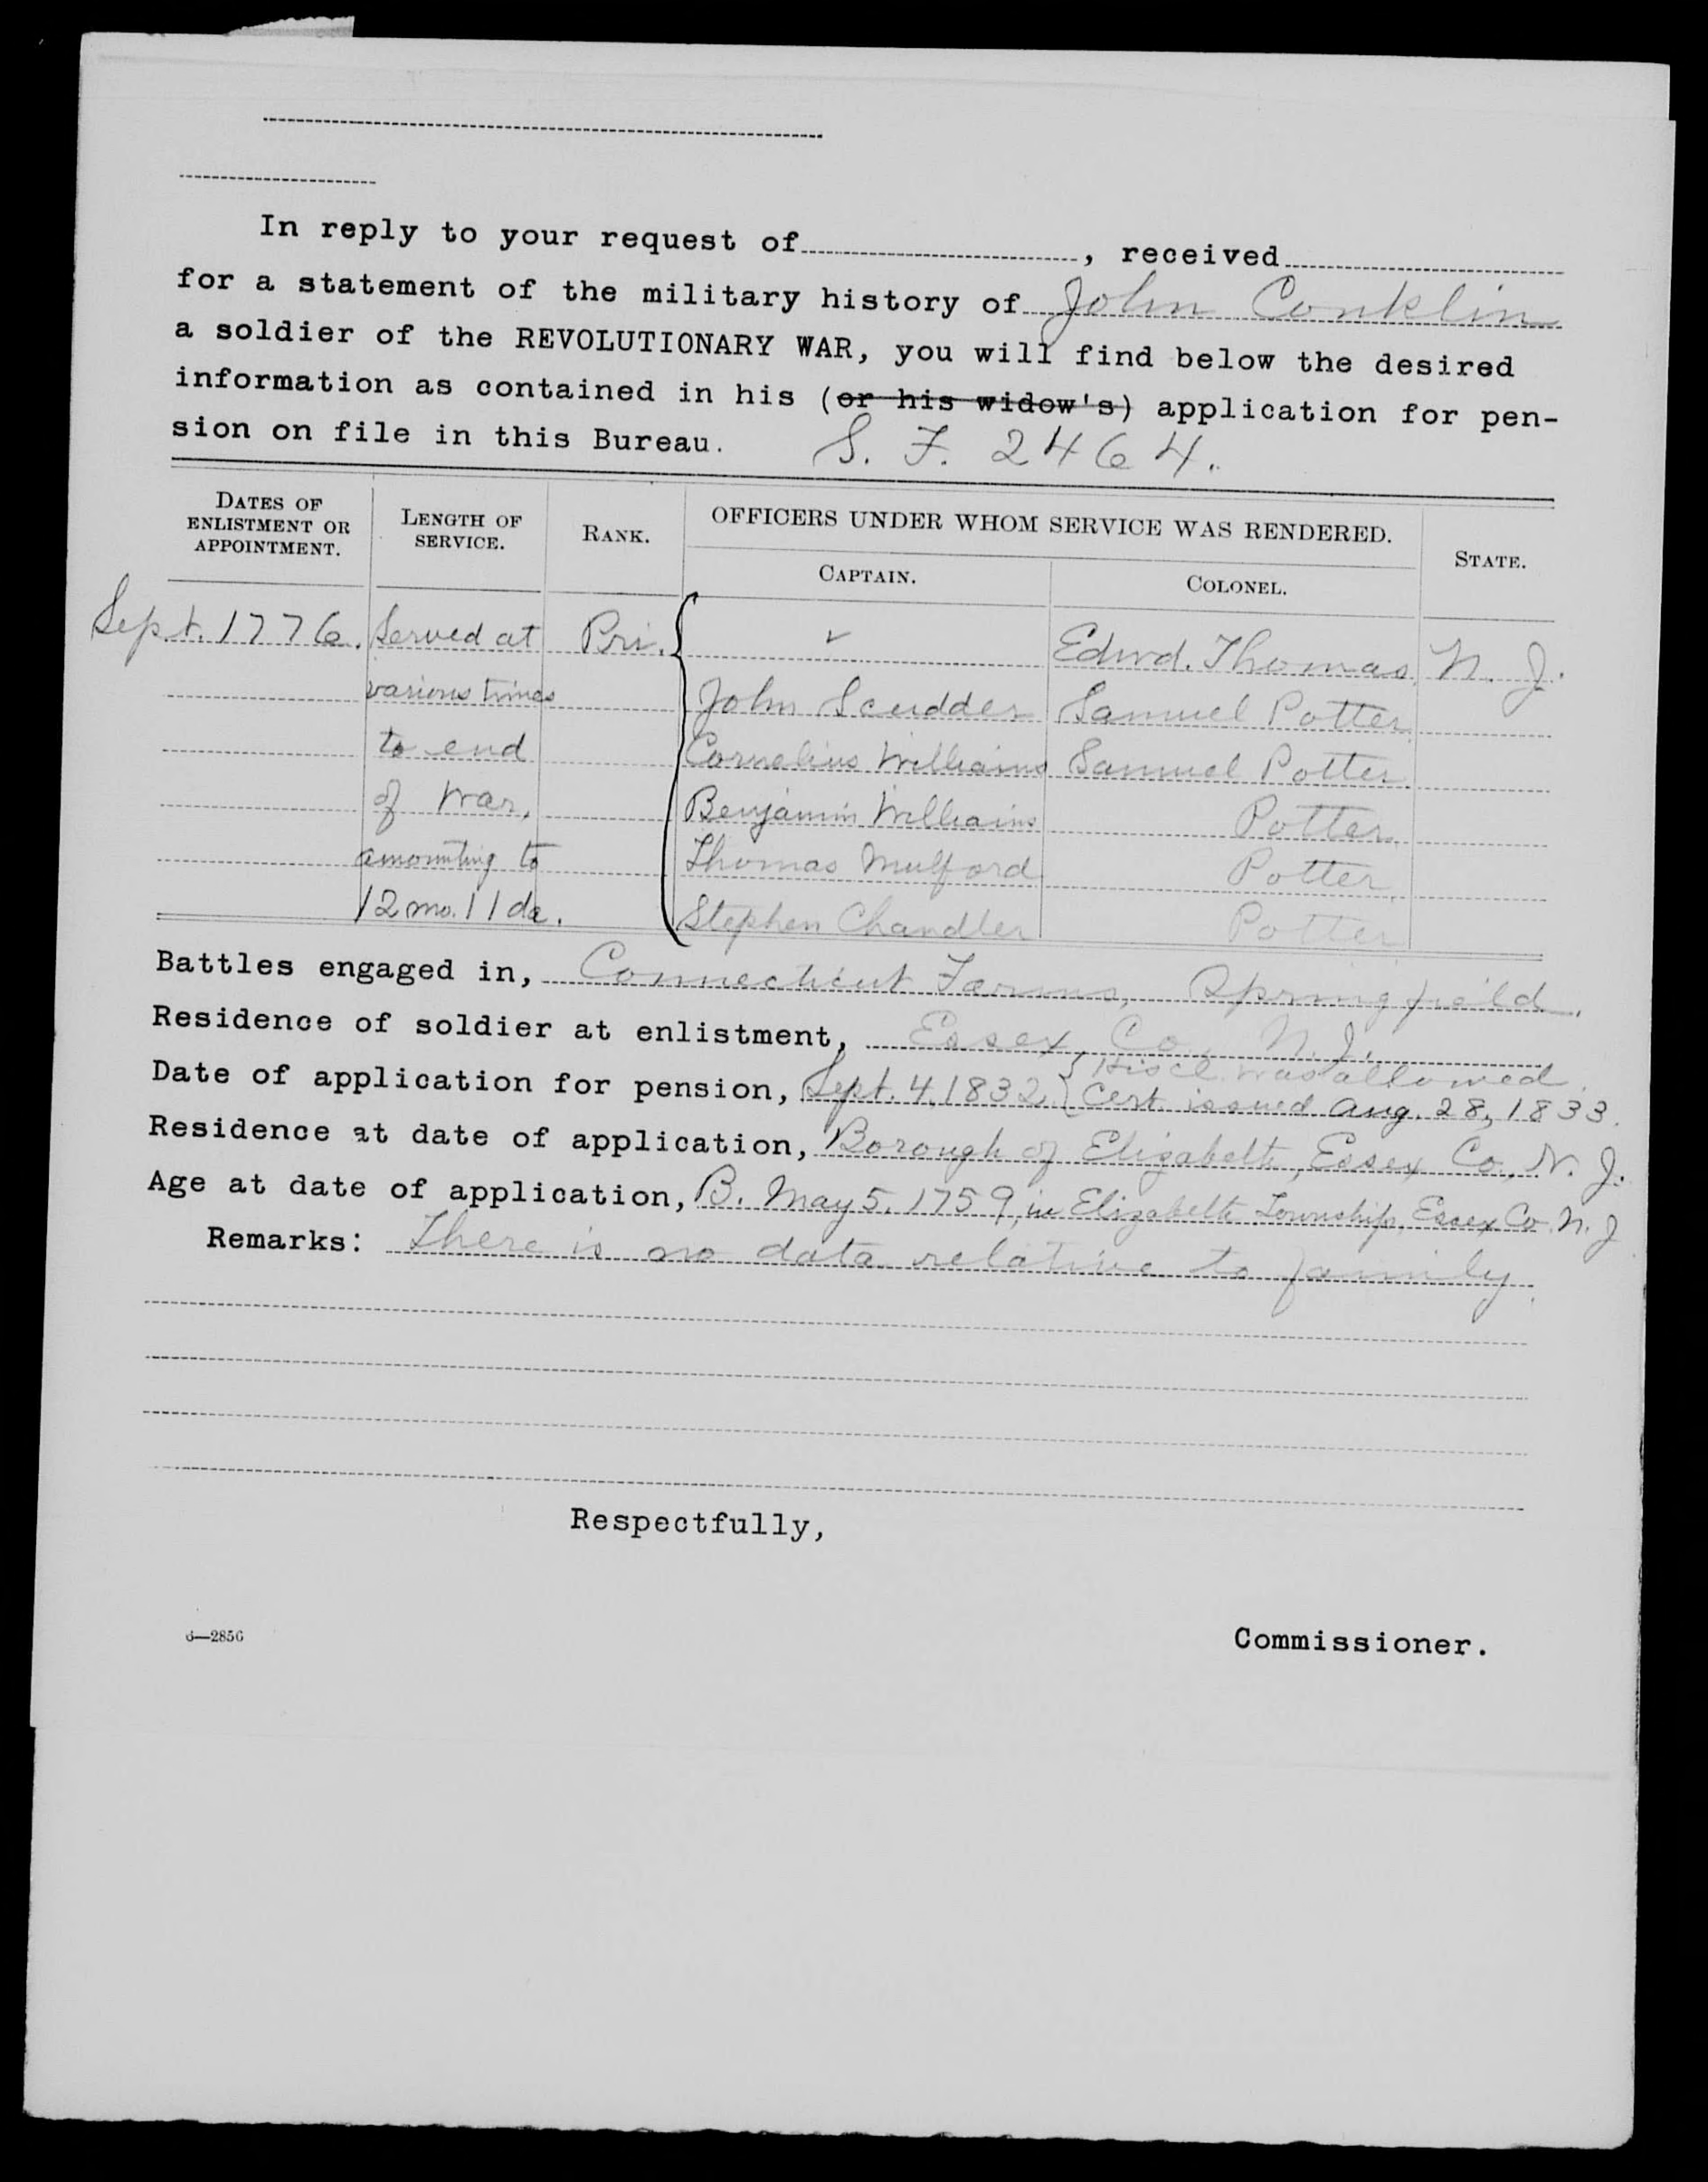In reply to your request of [blank], received [blank]
for a statement of the military history of John Conklin
a soldier of the REVOLUTIONARY WAR, you will find below the desired
information as contained in his (or his widow's) application for pension
on file in this Bureau. S. F. 2464.

[Table Headings]
| DATES OF ENLISTMENT OR APPOINTMENT. | LENGTH OF SERVICE. | RANK. |
OFFICERS UNDER WHOM SERVICE WAS RENDERED. CAPTAIN. | 
OFFICERS UNDER WHOM SERVICE WAS RENDERED. COLONEL. | STATE. |

[Table Rowss]
| Sept 1776 | Seved at various times to end of war amounting to 12 mo. | Pri | John Sucdder, Cornelius Williams, Bnjamin Williams, Thomas Mulford, Stephen Chandler | Edwd. Thomas, Samuel Potter, Samuel Potter, Potter, Potter, Potter, | N.J. |

Battles engaged in, Connecticut Farms, Springfield
Residence of soldier at enlistment, Essex Co. N.J.
Date of application for pension, Sept. 4,1832 His cl. was allowed. Cert issued Aug 28, 1833
Residence at date of application, Borough of Elizabeth, Essex Co. N.J.
Age at date of application, B. May 5, 1759 in Elizabeth Township, Essex Co. N.J.
Remarks: There is no date relative to family
Respectfully,
[Blank]
Commissioner.

6-2856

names: John Scudder, Samuel Potter, Potter, Edwd Thomas, Benjamin Williams, Stephen Chandler, Thomas Mulford, Cornelius Williams, Potter, John Conklin, Samuel Potter, Potter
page: 16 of 28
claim: survivor's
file: S 2464, John Conklin, New Jersey